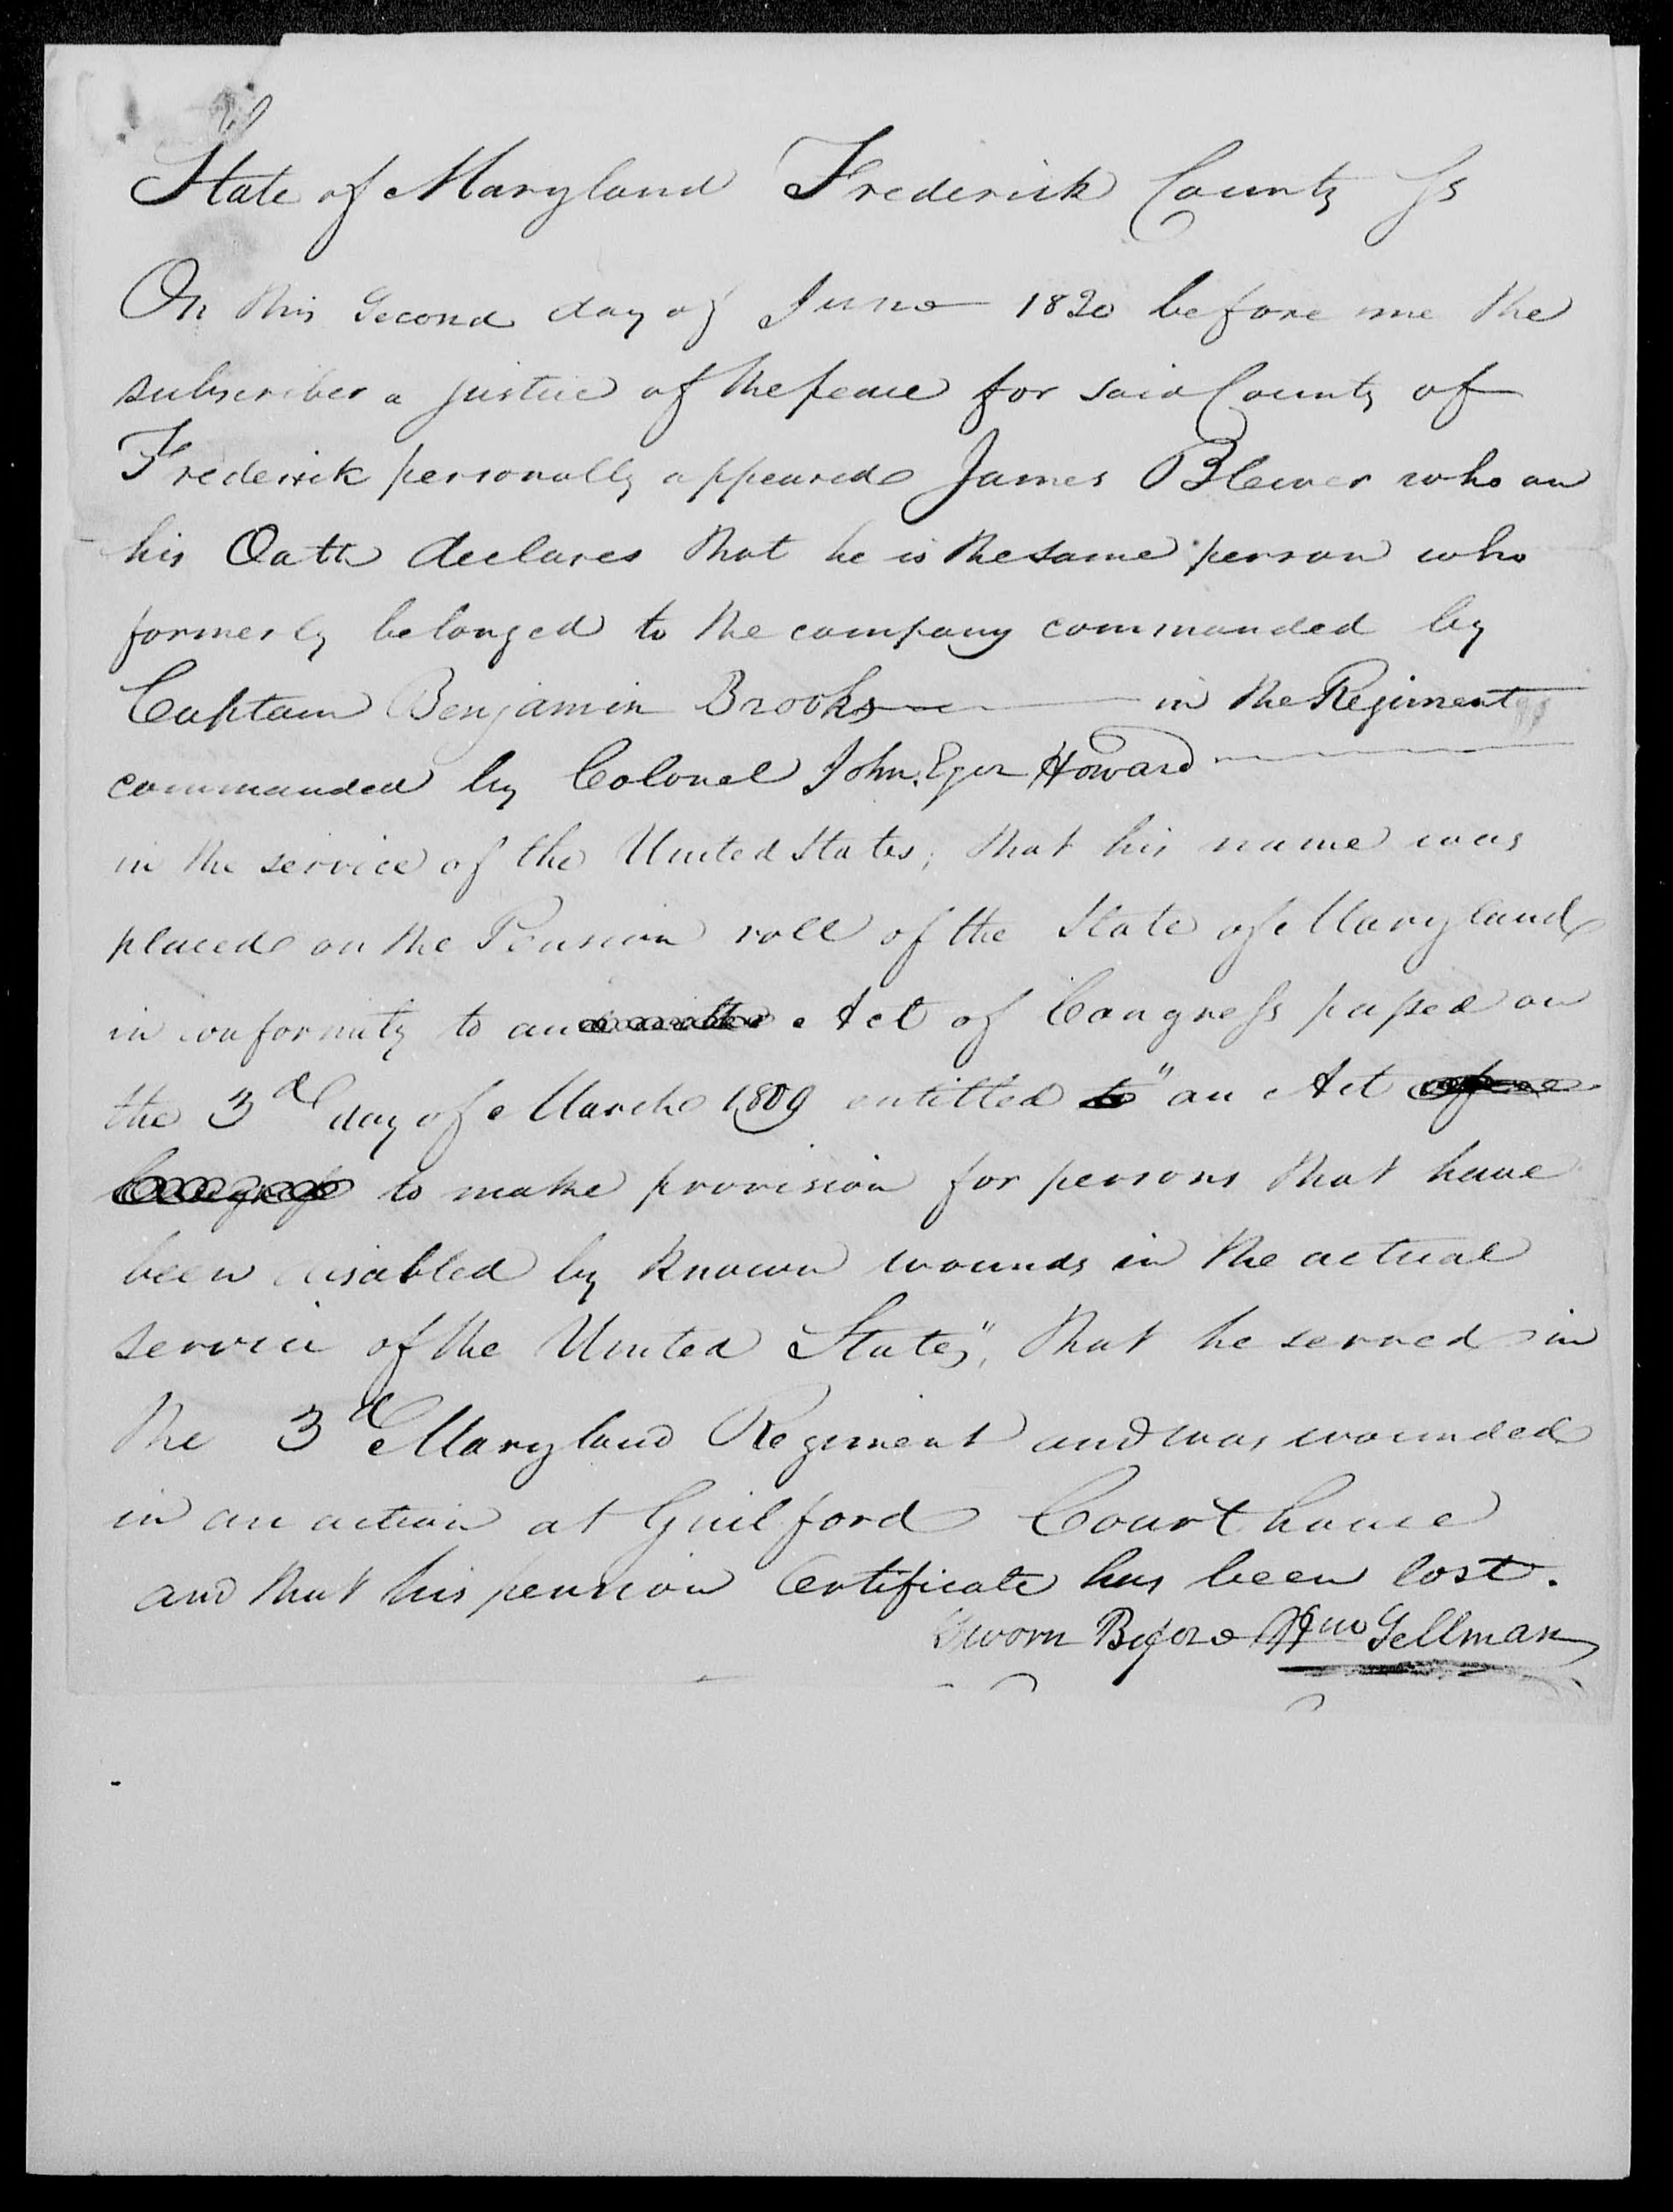State of Maryland, Frederick County

On this second day of June 1820 before me the subscriber a Justice of the Peace for said county of Frederick personally appeared James Blewer who on his oath declares that he is the same person who formerly belonged to the company commanded by Captain Benjamin Brooks in the regiment commanded by Colonel John Eger Howard in the service of the United States; that his name was placed on the pension roll of the state of Maryland in conformity to an act of Congress passed on the 3d day of March 1809 entitled "An act to make provision for persons that have been disabled by known wounds in the actual service of the United States" that he served in the 3rd Maryland Regiment and was wounded in an action at Guilford Courthouse and that his pension certificate has been lost.

Sworn before Wm Tellman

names: Benjamin Brooks, James Blewer, John, Howard, Wm Tellman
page: 3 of 30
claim: survivor's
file: S. 10093, James Blewer, Md.